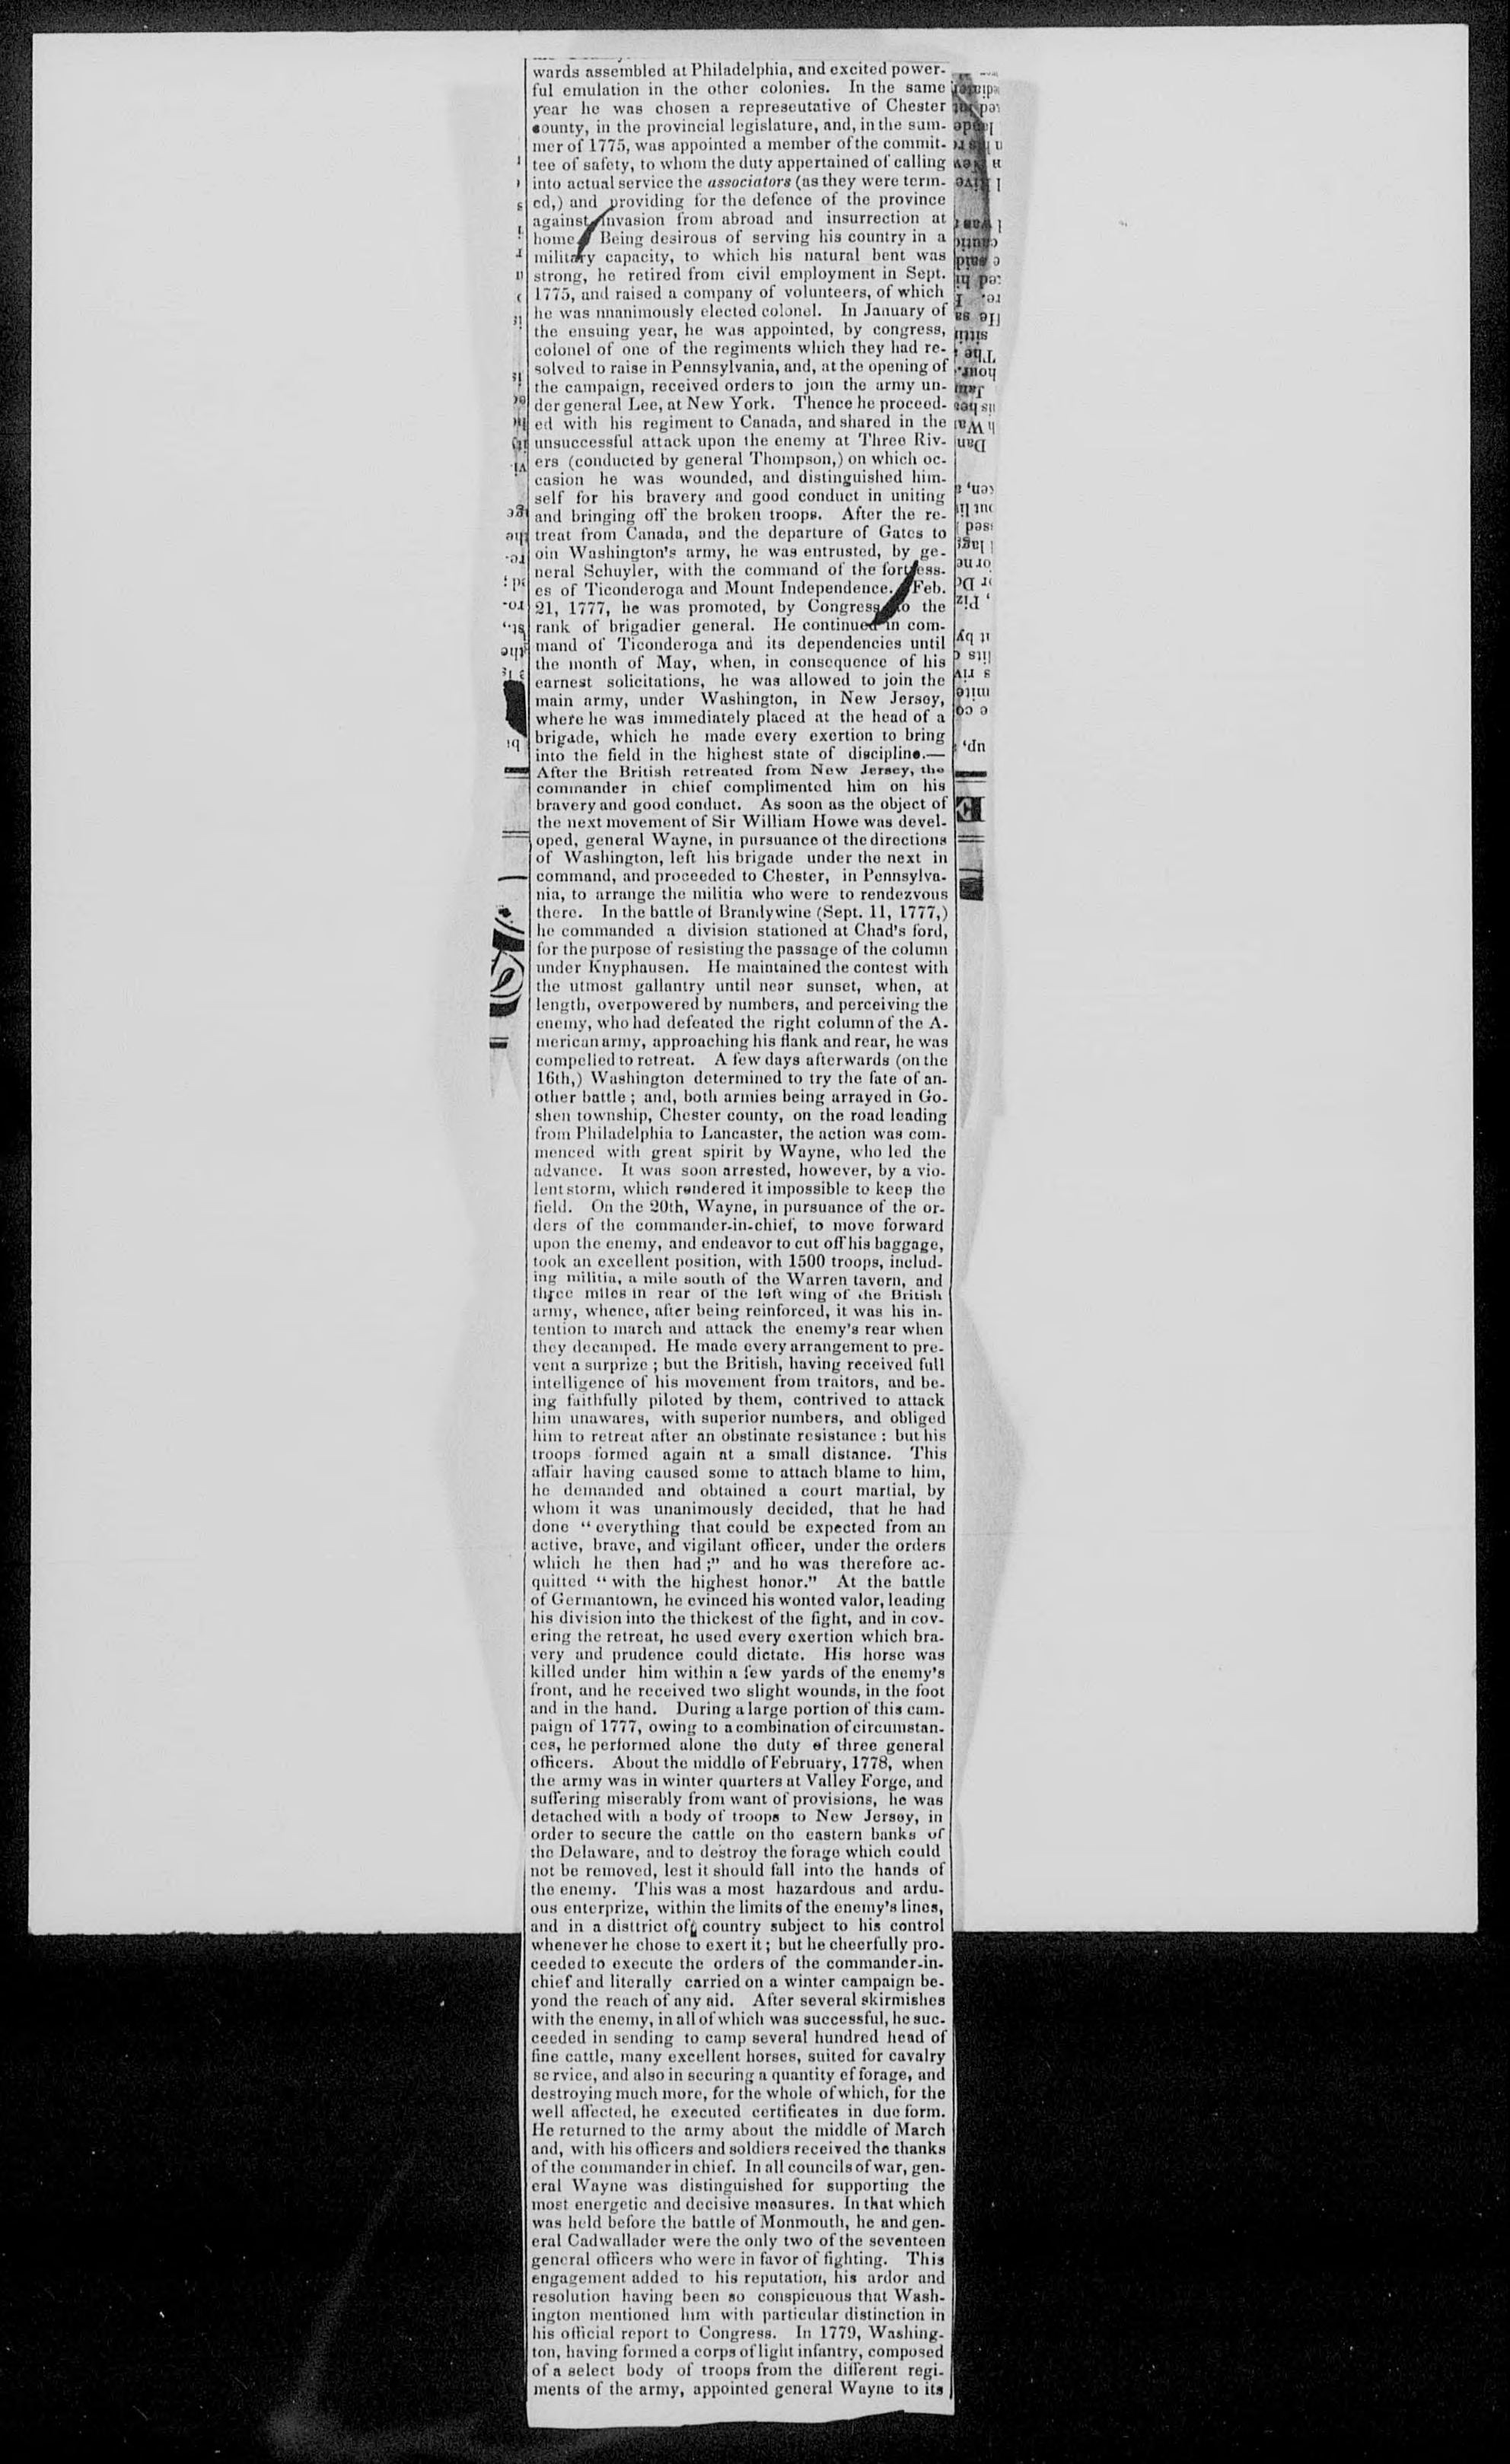[beginning part of this newspaper article is a repeat of the last page[
[picking up with new transcription:]

He made every arrangement to prevent a surprise; but the British, having received full intelligence of his movement from traitors, and being faithfully piloted by them, contrived to attached him unawares, with superior numbers, and obliged him to retreat after an obstinate resistance:  but his troops formed again at a small distance.  This affair having caused some to attach blame to him, he demanded and obtained a court martial, by whom it was unanimously decided, that he had done "everything that could be expected from an active, brave, and vigilant officer, under the orders which he then had;" and he was therefore acquitted "with the highest honor."  At the battle of Germantown, he evinced his wonted valor, leading his division into the thickest of the fight, and in covering the retreat, he used every exertion which bravery and prudence could dictate.  His horse was killed under him within a few yards of the enemy's front, and he received two slight wounds, in the foot and in the hand.  During a large portion of this campaign of 1777, owing to a combination of circumstances, he performed alone the duty of three general officers.  About the middle of February, 1778, when the army was in winter quarters at Valley Forge, and suffering miserably from want of provisions, he was detached with a body of troops to New Jersey, in order to secure the cattle on the eastern banks of the Delaware, and to destroy the forage which could not e removed lest it should fall into the hands of the enemy.  This was a most hazardous and arduous enterprize [sic] within the limits of the enemy's lines, and in a district of country subject to his control whenever he chose to exert it; but he cheerfully proceeded to execute the orders of the commander-in-chief and literally carried on a winter campaign beyond the reach of any aid.  After several skirmishes with the enemy, in all of which was successful, he succeeded in sending to camp several hundred head of fine cattle, many excellent horses, suited for cavalry service, and also in securing a quantity of forage, and destroying much more, for the whole of which, for the well affected, he executed certificates in due form. He returned to the army about the middle of March and, with his officers and soldiers received the thanks of the commander in chief.  In all councils of war, general Wayne was distinguished for supporting the most energetic and decisive measures.  In that which was held before the battle of Monmouth, he and general Cadwallader were the only two of the seventeen general officers who were in favor of fighting.  This engagement added to his reputation, his ardor and resolution having been so conspicuous that Washington mentioned him with particular distinction in his official report to Congress.  In 1779, Washington, having formed a corps of light infantry, composed of a select body of troops from the different regiments of the army, appointed general Wayne to its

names: Thompson, Knyphausen, Wayne, Wayne, Wayne, William Howe, Lee, Chester, Wayne, Wayne, Cadwallader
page: 13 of 17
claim: survivor's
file: S. 10575, James Dowling, Penn.